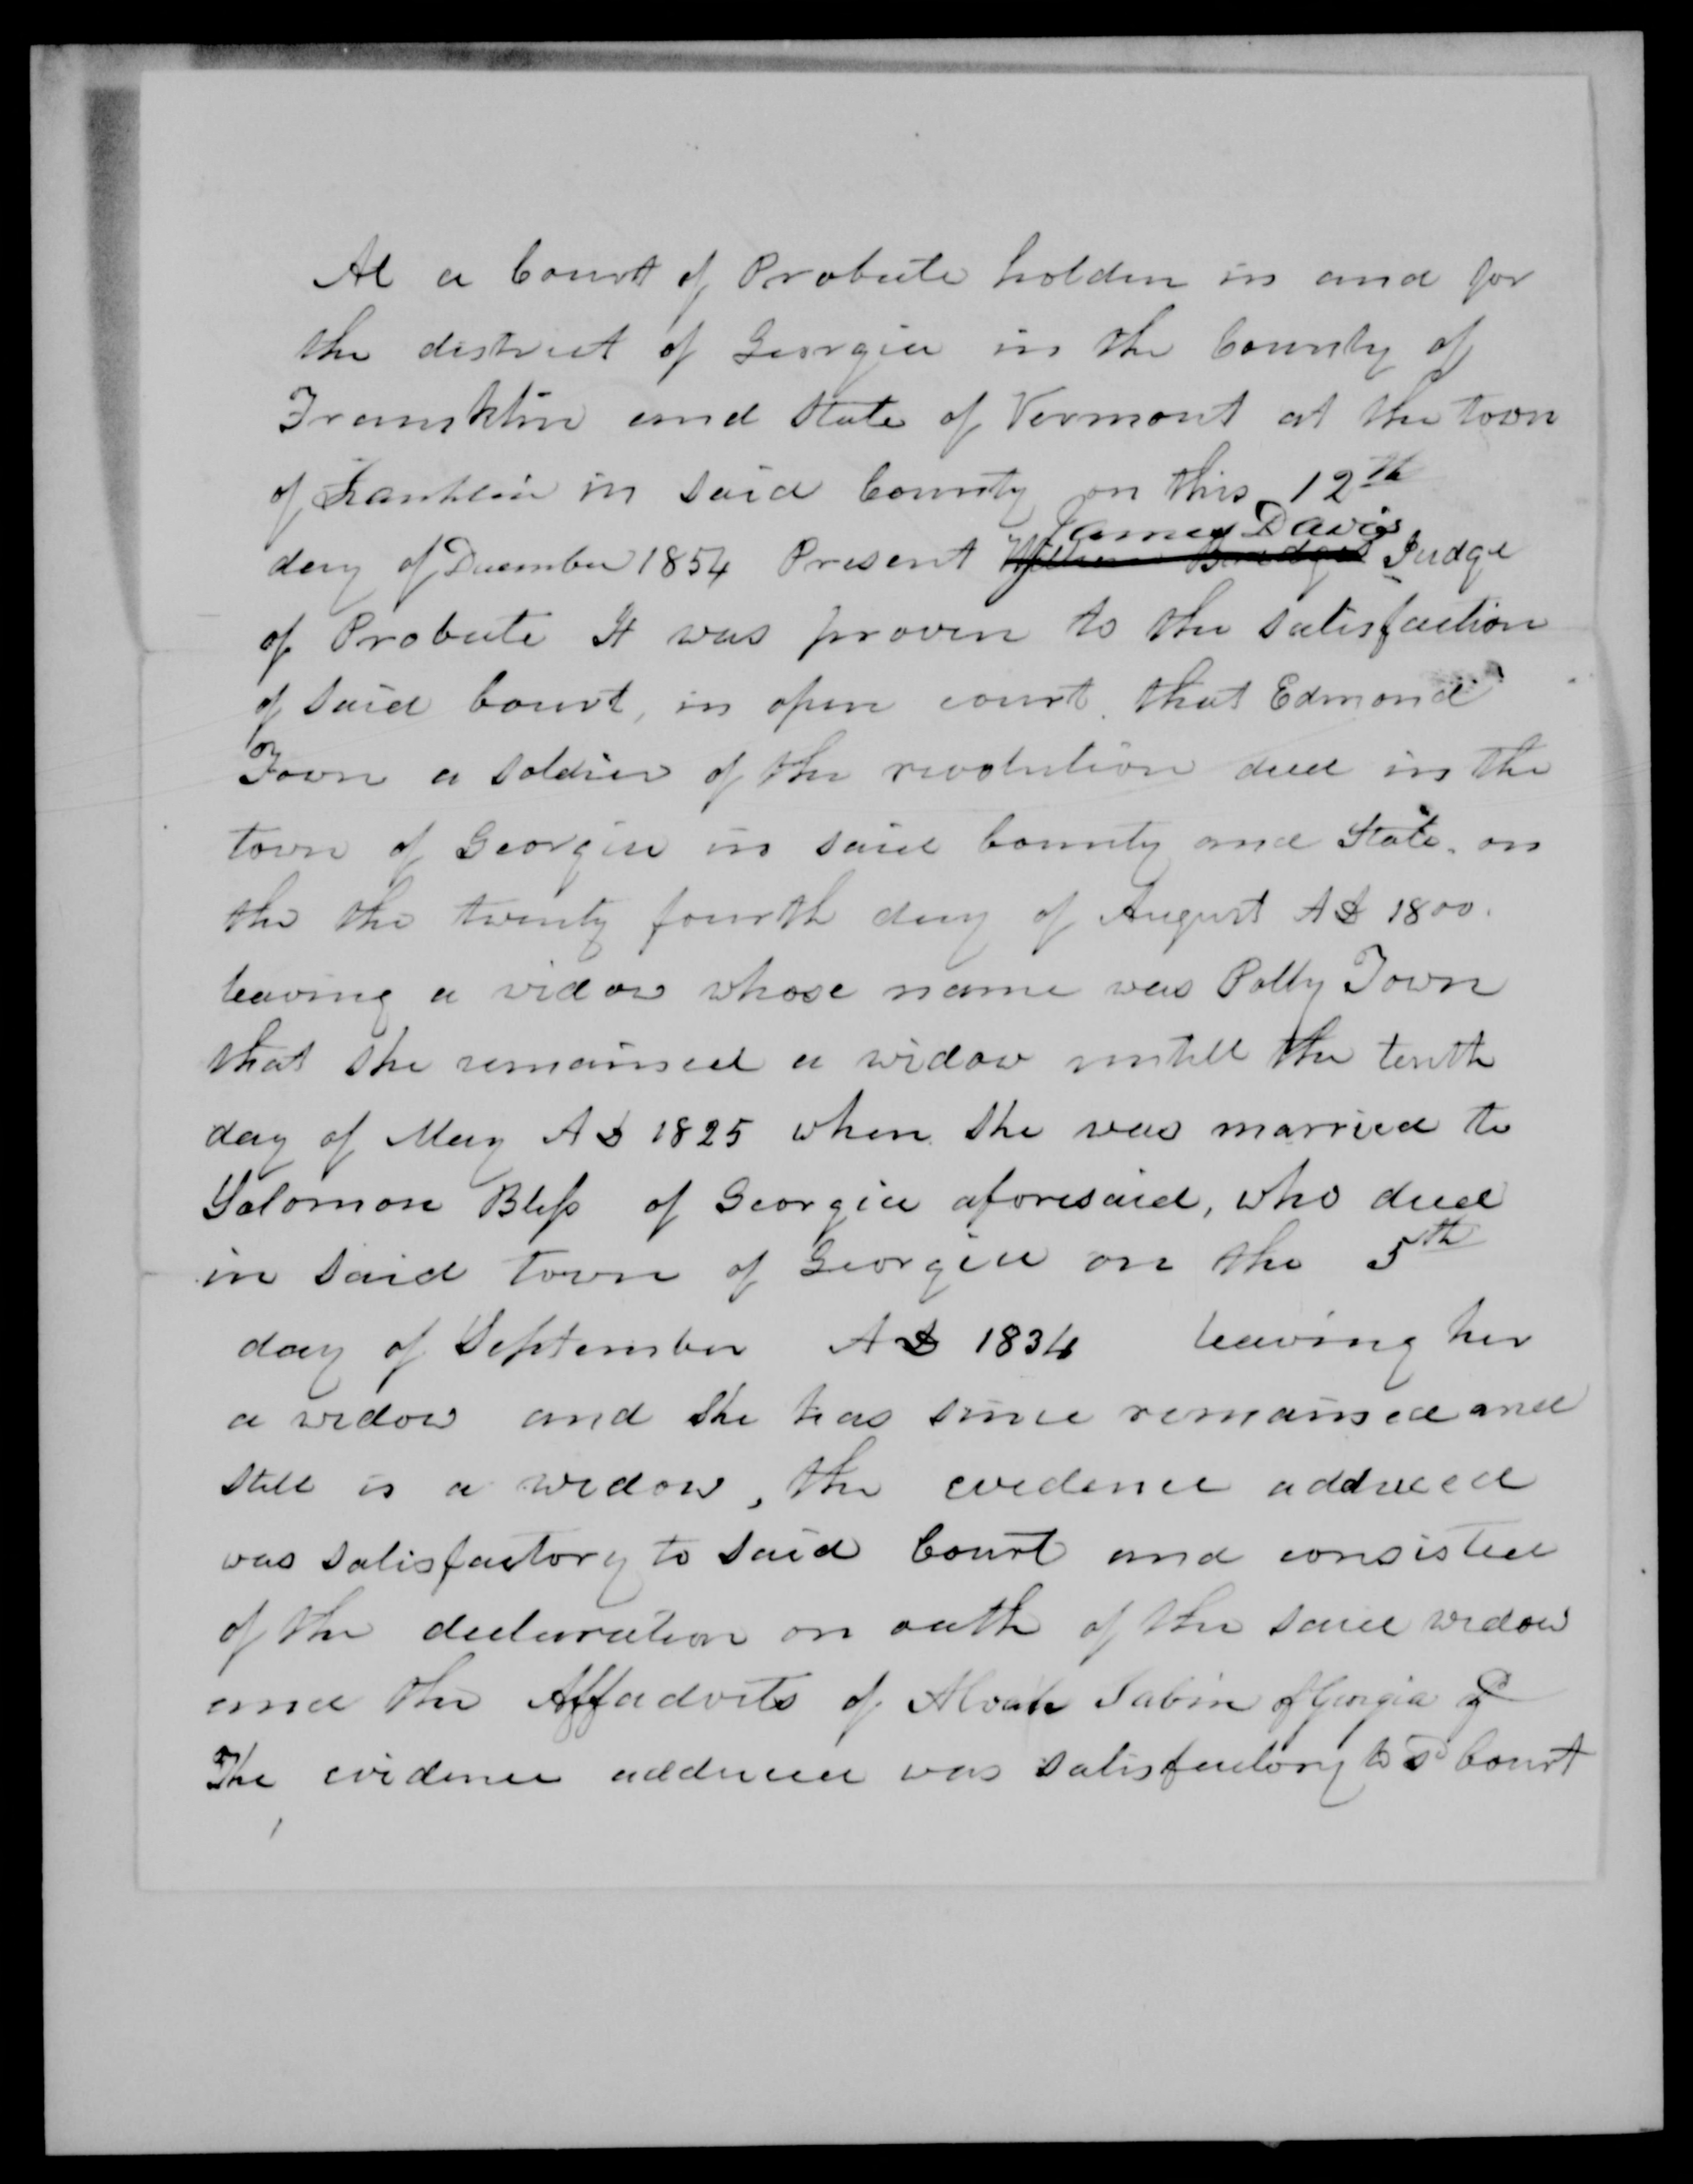At a Court of Probate holden in and for the district of Georgia in the County of Franklin and state of Vermont at the town of Franklin in said County on this 12th day of December 1854 present (illegible name crossed out) James Davis Judge of Probate It was proven to the satisfaction of said court in open court that Edmond Tow a soldier of the revolution died in the town of Georgia in said County and State on the the twenty fourth day of August A. D. 1800 leaving a widow whose name was Polly Town. That she remained a widow until the tenth day of May a. D. 1825 when she was married to Solomon Bliss of Georgia aforesaid who died in said town of Georgia on the 5th day of September a. D. 1834, leaving her a widow and she has since remained and still is a widow. The evidence addressed was satisfactory to said Court and consistant of the declaration on oath of the said widow and the affidavits of Alvah Sabin of Georgia and the evidence addressed was satisfactory to sd. court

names: James Davis, Polly Town, Solomon Bliss, Edmond Town, Alvah Sabin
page: 55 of 64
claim: widow's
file: W. 5831, Edmund Town, Mass.